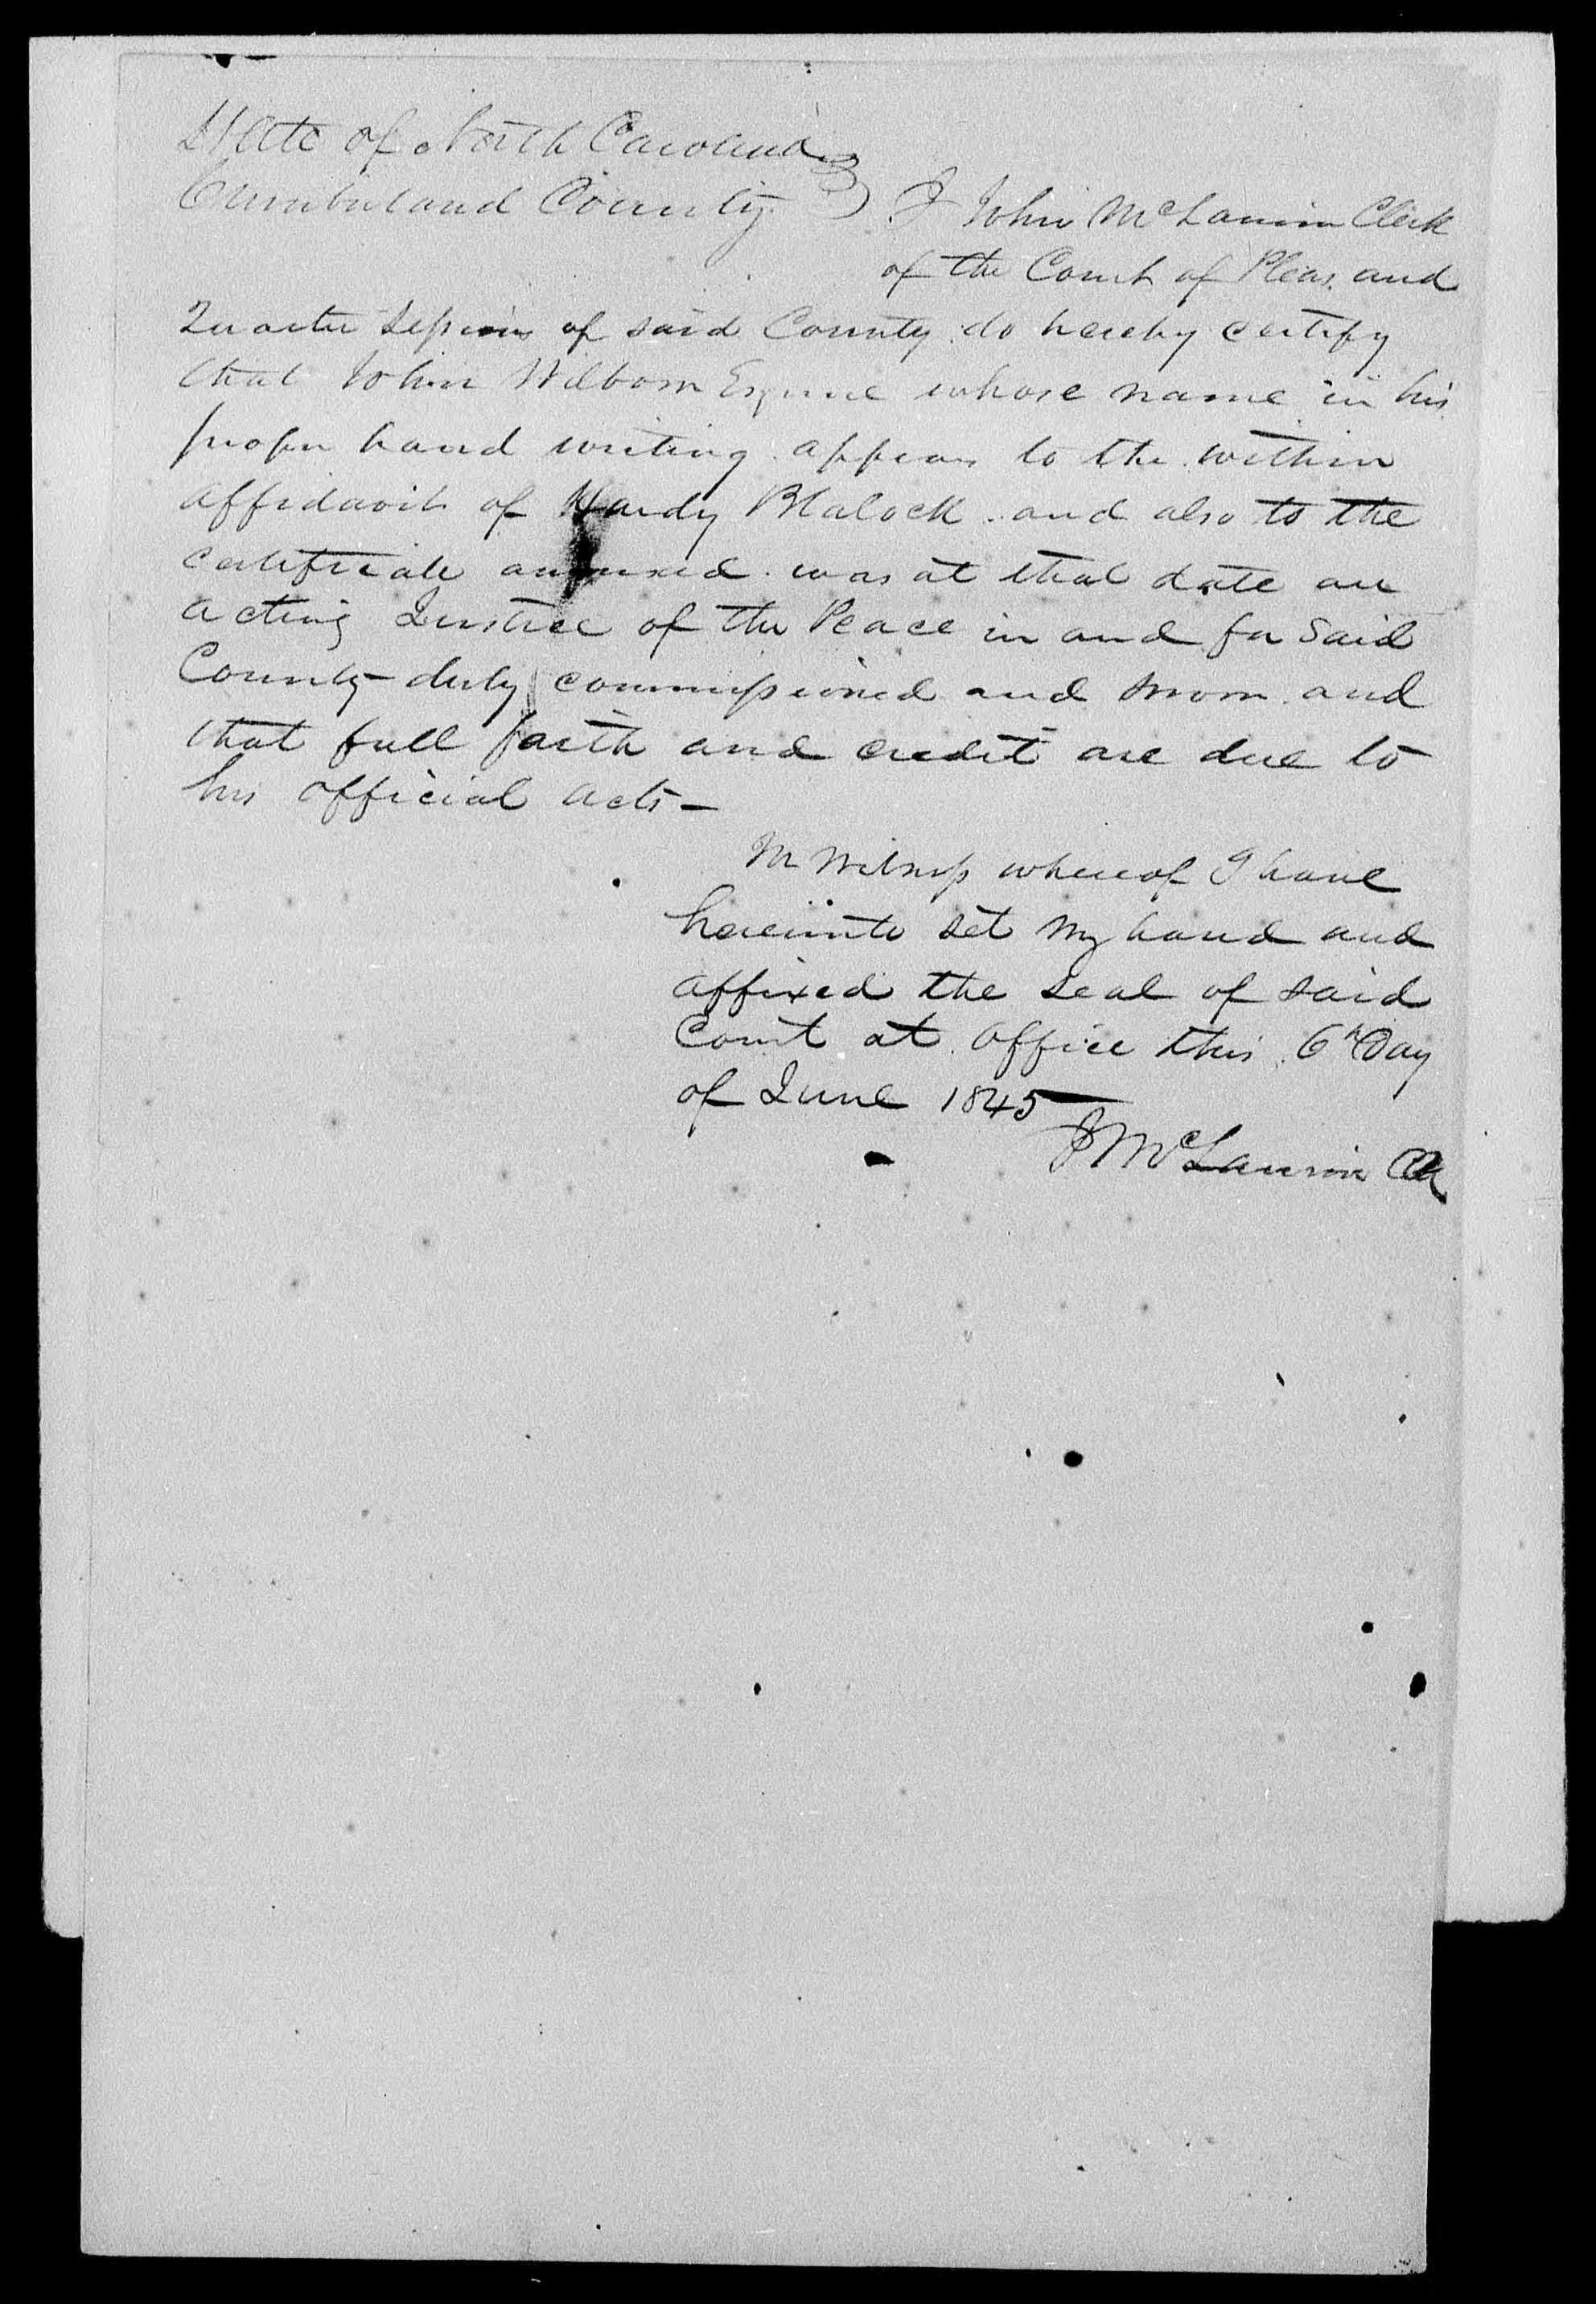State of North Carolina
Cumberland County
I, John McLennon, Clerk of the Court of Pleas and Quarter Sessions of said County do hereby certify that John Wilborn, Esq., who name in his proven handwriting appear to the within affidavit of Hardy Blalock and also to the certificate annexed was at that date an acting Justice of the Peace in and for said County. Duly commissioned and sworn and that full faith and credit are due to his official acts. 
In witness whereof, I have hereunto set my hand and affixed the seal of said court of office this 6th day of June 1845.
John McLennon, Clerk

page: 61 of 74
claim: rejected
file: R. 5600, for Abel Johnson, North Carolina